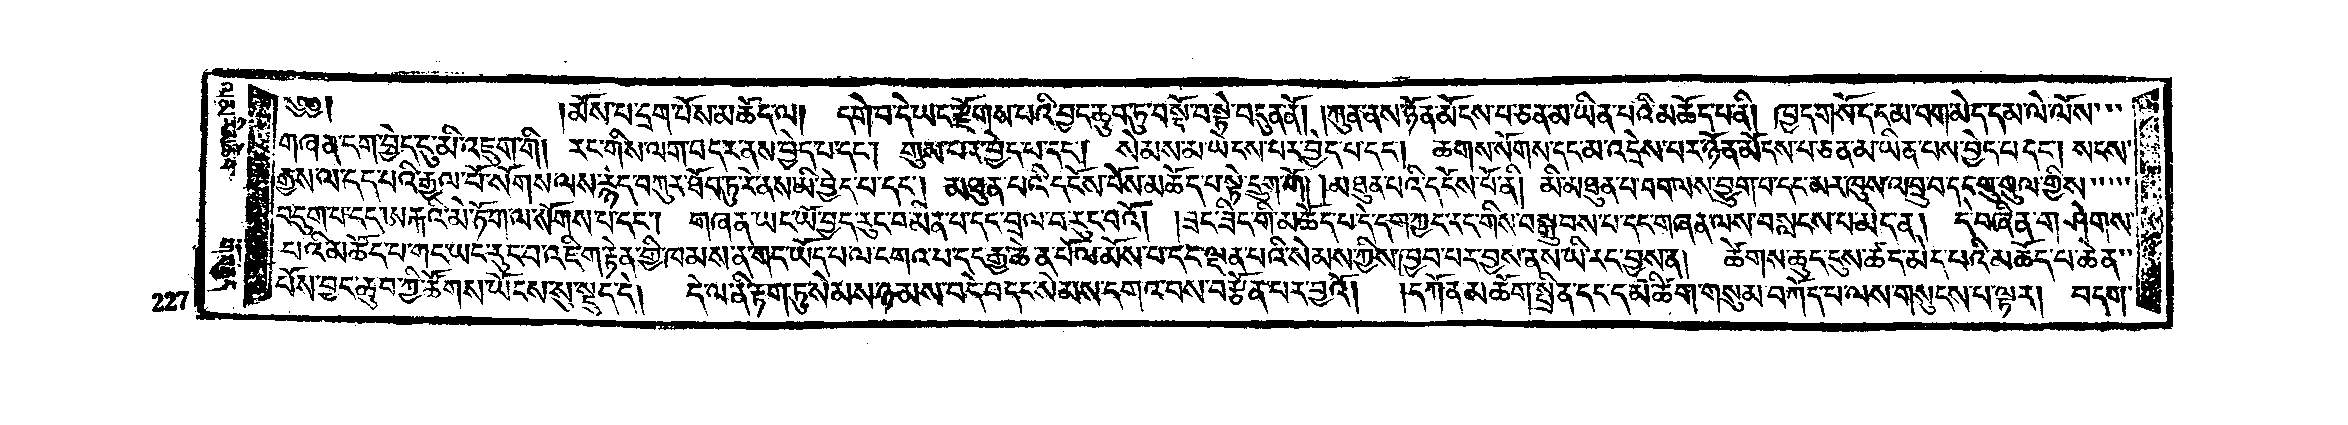༄༅། །མོས་པ་དྲག་པོས་མཆོད་ལ། དགེ་བ་དེ་ཡང་རྫོགས་པའི་བྱང་ཆུབ་ཏུ་བསྔོ་བ་སྟེ་བདུན་ནོ། །ཀུན་ནས་ཉོན་མོངས་པ་ཅན་མ་ཡིན་པའི་མཆོད་པ་ནི། ཁྱད་གསོད་དམ་བག་མེད་དམ་ལེ་ལོས་
གཞན་དག་བྱེད་དུ་མི་འཇུག་གི། རང་གིས་ལག་བདར་ནས་བྱེད་པ་དང་། གུས་པར་བྱེད་པ་དང་། སེམས་མ་ཡེངས་པར་བྱེད་པ་དང་། ཆགས་སོགས་དང་མ་འདྲེས་པར་ཉོན་མོངས་པ་ཅན་མ་ཡིན་པས་བྱེད་པ་དང་། སངས་
རྒྱས་ལ་དད་པའི་རྒྱལ་པོ་སོགས་ལས་རྙེད་བཀུར་ཐོབ་ཏུ་རེ་ནས་མི་བྱེད་པ་དང་། མཐུན་པའི་དངོས་པོས་མཆོད་པ་སྟེ་དྲུག་གོ། །མཐུན་པའི་དངོས་པོ་ནི། མི་མཐུན་པ་བབ་ལས་བྱུག་པ་དང་མར་ཁུས་འཁྲུ་བ་དང་གུ་གུལ་གྱིས་
བདུག་པ་དང་ཨརྐའི་མེ་ཏོག་ལ་སོགས་པ་དང་། གཞན་ཡང་ཡོ་བྱད་རུང་བ་མིན་པ་དང་བྲལ་བ་རུང་བའོ། །ཟང་ཟིང་གི་མཆོད་པ་དེ་དག་ཀྱང་རང་གིས་བསྒྲུབས་པ་དང་གཞན་ལས་བསླངས་པ་མེད་ན། དེ་བཞིན་གཤེགས་
པའི་མཆོད་པ་གང་ཡང་རུང་བ་འཇིག་རྟེན་གྱི་ཁམས་ན་གང་ཡོད་པ་ལ་དགའ་བ་དང་རྒྱ་ཆེན་པོ་ལ་མོས་པ་དང་ལྡན་པའི་སེམས་ཀྱིས་ཁྱབ་པར་བྱས་ནས་ཡི་རང་བྱས་ན། ཚེགས་ཆུང་ངུས་ཚད་མེད་པའི་མཆོད་པ་ཆེན་
པོས་བྱང་ཆུབ་ཀྱི་ཚོགས་ཡོངས་སུ་སྡུད་དེ། དེ་ལ་ནི་རྟག་ཏུ་སེམས་ཉམས་བདེ་བ་དང་སེམས་དགའ་བས་བརྩོན་པར་བྱའོ། །དཀོན་མཆོག་སྤྲིན་དང་དམ་ཚིག་གསུམ་བཀོད་པ་ལས་གསུངས་པ་ལྟར། བདག་